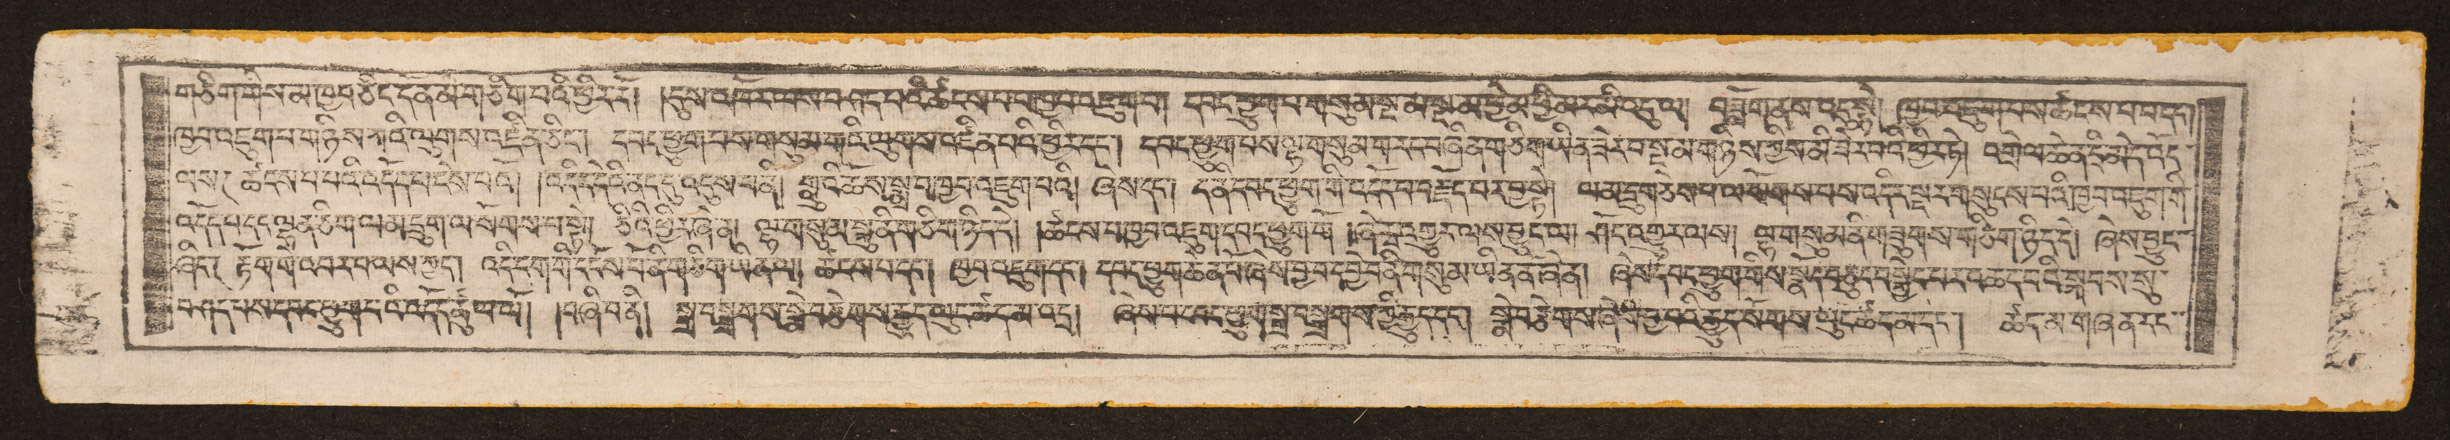གཅིག་གིས་མ་ཁྱབ་ཅིང་དོན་མི་གཅིག་པའི་ཕྱིར་རོ། །དུས་འཁོར་ལས་བཤད་པའི་ཚངས་པ་བ་ཁྱབ་འཇུག་པ། དབང་ཕྱུག་པ་གསུམ་སྔ་མ་སྔ་མ་ཕྱི་མ་ཕྱི་མར་མི་འདུ་ལ། བཟློག་ནས་འདུ་སྟེ། ཁྱབ་འཇུག་པས་ཚངས་པ་བ་དང་།
ཁྱབ་འཇུག་པ་གཉིས་ཀའི་ལུགས་འཛིན་ཅིང་། དབང་ཕྱུག་པས་གསུམ་གའི་ལུགས་འཛིན་པའི་ཕྱིར་དང་། དབང་ཕྱུག་པས་ལྷ་གསུམ་ག་རང་བཞིན་གཅིག་ཡིན་ཟེར་བ་སྔ་མ་གཉིས་ཀྱིས་མི་ཟེར་བའི་ཕྱིར་ཏེ། འགྲེལ་ཆེན་དྲི་མེད་འོད་
ལས༑ ཚངས་པ་པའི་འདོད་པ་ངེས་པའོ། །འདིར་དེའི་ནང་དུ་འདུས་པ་ནི། གླུའི་ཆོས་སྨྲ་བ་ཁྱབ་འཇུག་པའི། ཞེས་དང་། ད་ནི་དབང་ཕྱུག་གི་འདོད་པ་བརྗོད་པར་བྱ་སྟེ། ལམ་དྲུག་ཅེས་པ་ལ་སོགས་པས་འདིར་སྔར་གསུངས་པའི་ཁྱབ་འཇུག་གི་
འདོད་པ་དང་ལྷན་ཅིག་ལམ་དྲུག་ལ་སོགས་པ་སྟེ། ཅིའི་ཕྱིར་ཞེ་ན། ལྷ་གསུམ་སྐུ་ནི་གཅིག་ཉིད་དེ། །ཚངས་པ་ཁྱབ་འཇུག་དབང་ཕྱུག་པོ། །ཞེ་རྭ་འགྱུར་ལས་བྱུང་ལ། ཤོད་འགྱུར་ལས། ལྷ་གསུམ་ནི་གཟུགས་གཅིག་ཉིད་དེ། ཞེས་བྱུང་
ཞིང༑ རྟོག་གེ་འབར་བ་ལས་ཀྱང་། འདི་དག་གི་དངོས་པོ་ནི་གཅིག་ཡིན་ལ། ཚངས་པ་དང་། ཁྱབ་འཇུག་དང་། དབང་ཕྱུག་ཆེན་པོ་ཞེས་བྱ་བ་དབྱེ་བ་ནི་གསུམ་ཡིན་ནོ་ཞེ་ན། ཞེས་དབང་ཕྱུག་གིས་སྣོད་བཅུད་བསྐྱེད་པར་འཆད་པའི་སྐབས་སུ་
བཤད་པས་དབང་ཕྱུག་པའི་འདོད་ཚུལ་ལོ། །བཞི་པ་ནི། སྒྲ་བསྒྲགས་སྨེ་བརྩེགས་རྒྱུད་ལུང་ཚད་མ་འདྲ། ཞེས་པ་དབང་ཕྱུག་སྒྲ་བསྒྲགས་ཀྱི་རྒྱུད་དང་། སྨེ་བརྩེགས་ཞེས་བྱ་བའི་རྒྱུད་སོགས་ལུང་ཚད་མ་དང་། ཚད་མ་གཞན་དང་